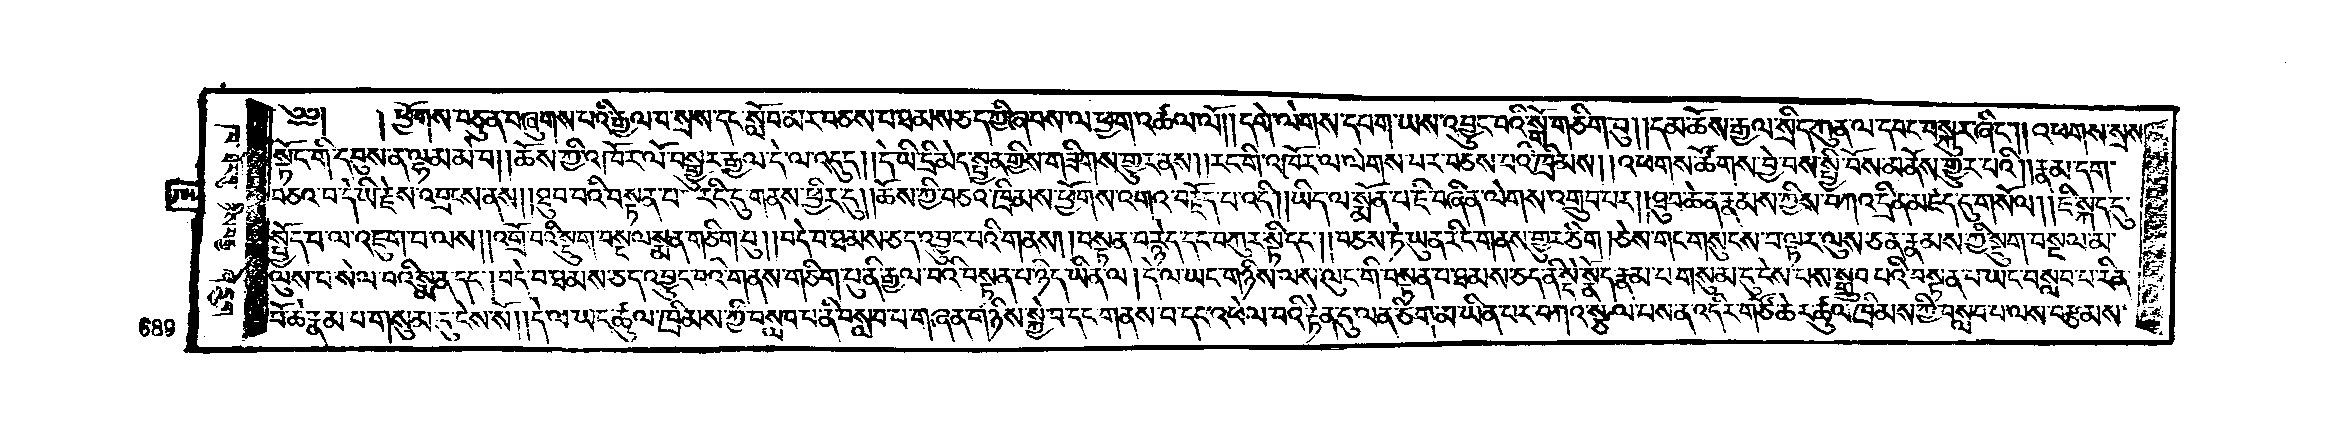༄༅། །ཕྱོགས་བཅུ་ན་བཞུགས་པའི་རྒྱལ་བ་སྲས་དང་སློབ་མར་བཅས་པ་ཐམས་ཅད་ཀྱི་ཞབས་ལ་ཕྱག་འཚལ་ལོ། །དགེ་ལེགས་དཔག་ཡས་འབྱུང་བའི་སྒོ་གཅིག་བུ། །དམ་ཆོས་རྒྱལ་སྲིད་ཀུན་ལ་དབང་བསྐུར་ཞིང་། །འཕགས་སྲས་
སྟོང་གི་དབུས་ན་ལྷམ་མེ་བ། །ཆོས་ཀྱི་འཁོར་ལོ་བསྒྱུར་རྒྱལ་དེ་ལ་འདུད། །དེ་ཡི་དྲི་མེད་སྤྱན་གྱིས་གཟིགས་གྱུར་ནས། །རང་གི་འཁོར་ལ་ལེགས་པར་བཅས་པའི་ཁྲིམས། །འཕགས་ཚོགས་བྱེ་བས་སྤྱི་བོས་མནོས་གྱུར་པའི། །རྣམ་དག་
བཅའ་བ་དེ་ཡི་རྗེས་འབྲངས་ནས། །ཐུབ་པའི་བསྟན་པ་རིང་དུ་གནས་ཕྱིར་དུ། །ཆོས་ཀྱི་བཅའ་ཁྲིམས་ཕྱོགས་འགའ་བརྗོད་པ་འདི། །ཡིད་ལ་སྨོན་པ་ཇི་བཞིན་ལེགས་འགྲུབ་པར། །ཐུབ་ཆེན་རྣམས་ཀྱིས་བཀའ་དྲིན་མཛད་དུ་གསོལ། །ཇི་སྐད་དུ་
སྤྱོད་པ་ལ་འཇུག་པ་ལས། །འགྲོ་བའི་སྡུག་བསྔལ་སྨན་གཅིག་བུ། །བདེ་བ་ཐམས་ཅད་འབྱུང་པའི་གནས། །བསྟན་པ་རྙེད་དང་བཀུར་སྟི་དང་། །བཅས་ཏེ་ཡུན་རིང་གནས་གྱུར་ཅིག །ཅེས་གང་གསུངས་པ་ལྟར་ལུས་ཅན་རྣམས་ཀྱི་སྡུག་བསྔལ་མ་
ལུས་པ་སེལ་བའི་སྨན་དང་། བདེ་བ་ཐམས་ཅད་འབྱུང་བའི་གནས་གཅིག་པུ་ནི་རྒྱལ་བའི་བསྟན་པ་ཉིད་ཡིན་ལ། དེ་ལ་ཡང་གཉིས་ལས་ལུང་གི་བསྟན་པ་ཐམས་ཅད་ནི་སྡེ་སྣོད་རྣམ་པ་གསུམ་དུ་ངེས་པས་སྒྲུབ་པའི་བསྟན་པ་ཡང་བསླབ་པ་རིན་
པོ་ཆེ་རྣམ་པ་གསུམ་དུ་ངེས་སོ། །དེ་ལ་ཡང་ཚུལ་ཁྲིམས་ཀྱི་བསླབ་པ་ནི་བསླབ་པ་གཞན་གཉིས་སྐྱེ་བ་དང་གནས་པ་དང་འཕེལ་བའི་རྟེན་དུ་ལན་ཅིག་མ་ཡིན་པར་བཀའ་སྩལ་པས་ན་འདིར་གཙོ་ཆེར་ཚུལ་ཁྲིམས་ཀྱི་བསླབ་པ་ལས་བརྩམས་